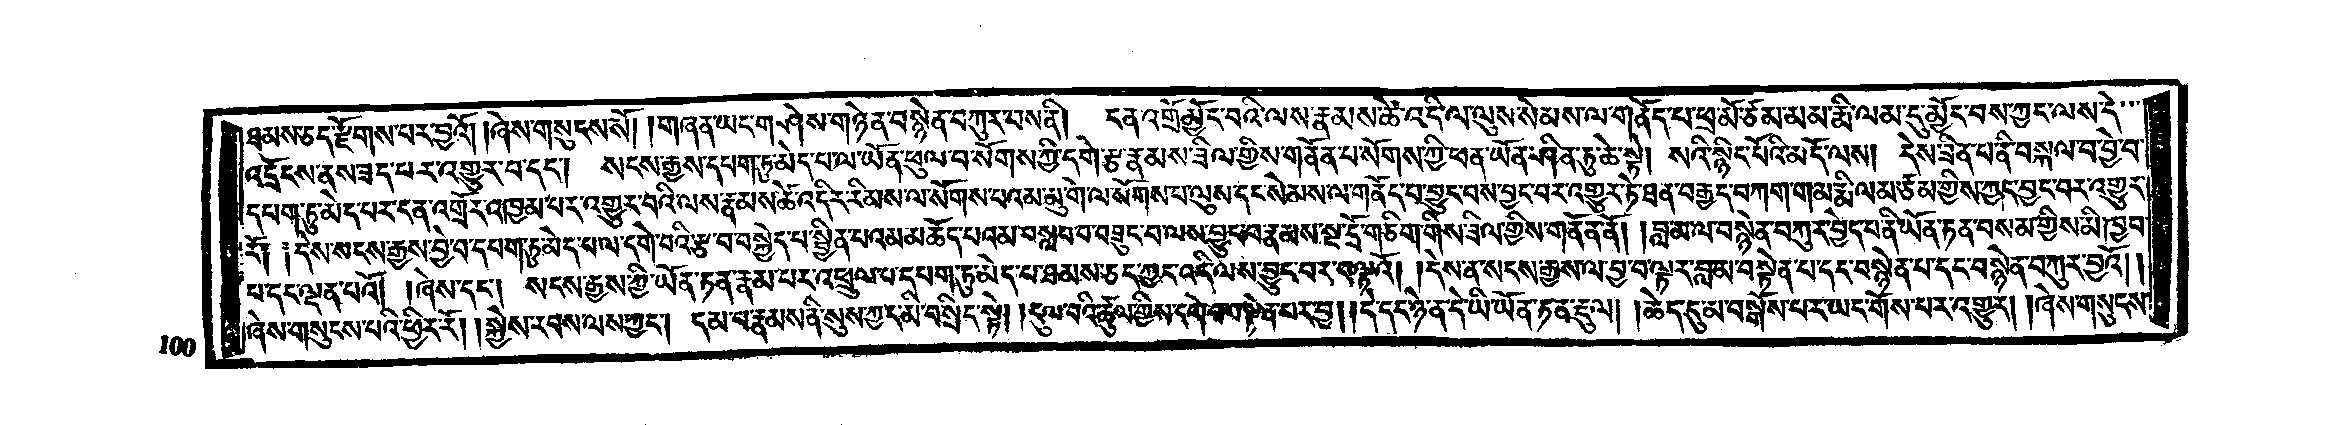ཐམས་ཅད་རྫོགས་པར་བྱའོ། །ཞེས་གསུངས་སོ། །གཞན་ཡང་གཤེས་གཉེན་བསྙེན་བཀུར་བས་ནི། ངན་འགྲོ་མྱོང་བའི་ལས་རྣམས་ཚེ་འདི་ལ་ལུས་སེམས་ལ་གནོད་པ་ཕྲ་མོ་ཙམ་མམ་རྨི་ལམ་དུ་མྱོང་བས་ཀྱང་ལས་དེ་
འདྲོངས་ནས་ཟད་བར་འགྱུར་བ་དང་། སངས་རྒྱས་དཔག་ཏུ་མེད་པ་ལ་ཡོན་ཕུལ་བ་སོགས་ཀྱི་དགེ་རྩ་རྣམས་ཟིལ་གྱིས་གནོན་པ་སོགས་ཀྱི་ཕན་ཡོན་ཤིན་ཏུ་ཆེ་སྟེ། སའི་སྙིང་པོའི་མདོ་ལས། དེས་ཟིན་པ་ནི་བསྐལ་པ་བྱེ་བ་
དཔག་ཏུ་མེད་པར་ངན་འགྲོར་འཁྱམ་པར་འགྱུར་བའི་ལས་རྣམས་ཚེ་འདིར་རིམས་ལ་སོགས་པའམ་མུ་གེ་ལ་སོགས་པ་ལུས་དང་སེམས་ལ་གནོད་པ་བྱུང་བས་བྱང་བར་འགྱུར་ཏེ་ཐ་ན་བརྒྱད་བཀག་གམ་རྨི་ལམ་ཙམ་གྱིས་ཀྱང་བྱང་བར་འགྱུར་
རོ༑ ༑དེས་སངས་རྒྱས་བྱེ་བ་དཔག་ཏུ་མེད་པ་ལ་དགེ་བའི་རྩ་བ་བསྐྱེད་པ་སྦྱིན་པའམ་མཆོད་པའམ་བསླབ་པ་བཟུང་བ་ལས་བྱུང་བ་རྣམས་སྔ་དྲོ་གཅིག་གིས་ཟིལ་གྱིས་གནོན་ནོ། །བླ་མ་ལ་བསྙེན་བཀུར་བྱེད་པ་ནི་ཡོན་ཏན་བསམ་གྱིས་མི་ཁྱབ་
པ་དང་ལྡན་པའོ། །ཞེས་དང་། སངས་རྒྱས་ཀྱི་ཡོན་ཏན་རྣམ་པར་འཕྲུལ་བ་དཔག་ཏུ་མེད་པ་ཐམས་ཅད་ཀྱང་འདི་ལས་བྱུང་བར་བལྟའོ། །དེས་ན་སངས་རྒྱས་ལ་བྱ་བ་ལྟར་བླ་མ་བསྟེན་པ་དང་བསྙེན་པ་དང་བསྙེན་བཀུར་བྱའོ། །
ཞེས་གསུངས་པའི་ཕྱིར་རོ། །སྐྱེས་རབས་ལས་ཀྱང་། དམ་པ་རྣམས་ནི་སུས་ཀྱང་མི་བསྲིང་སྟེ། །དུལ་བའི་ཚུལ་གྱིས་དགེ་བ་བསྟེན་པར་བྱ། །དེ་དང་ཉེ་ན་དེ་ཡི་ཡོན་ཏན་རྡུལ། །ཆེད་དུ་མ་བསྒོས་པར་ཡང་གོས་པར་འགྱུར། །ཞེས་གསུངས་